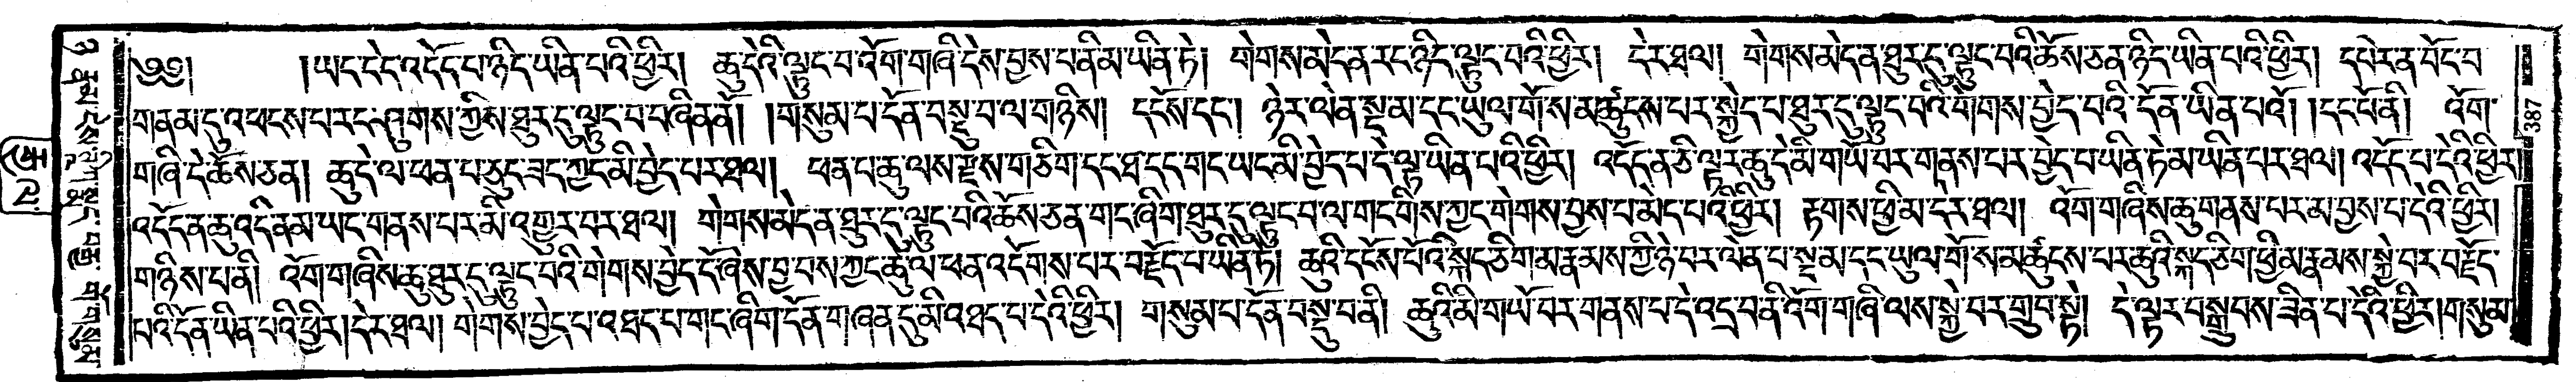༄༅། །ཡང་དེད་འདོད་པ་ཉིད་ཡིན་པའི་ཕྱིར། ཆུ་དེའི་ལྟུང་བ་འོག་གཞི་དེས་བྱས་པ་ནི་མ་ཡིན་ཏེ། གེགས་མེད་ན་རང་ཉིད་ལྟུང་བའི་ཕྱིར། དེར་ཐལ། གེགས་མེད་ན་ཐུར་དུ་ལྟུང་བའི་ཆོས་ཅན་ཉིད་ཡིན་པའི་ཕྱིར། དཔེར་ན་བོང་བ་
གནམ་དུ་འཕངས་པ་རང་ཤུགས་ཀྱིས་ཐུར་དུ་ལྟུང་བ་བཞིན་ནོ། །གསུམ་པ་དོན་བསྡུ་བ་ལ་གཉིས། དངོས་དང་། ཉེར་ལེན་སྔ་མ་དང་ཡུལ་གོ་ས་མཚུངས་པར་སྐྱེད་པ་ཐུར་དུ་ལྟུང་བའི་གེགས་བྱེད་བའི་དོན་ཡིན་པའོ། །དང་པོ་ནི། འོག་
གཞི་དེ་ཆོས་ཅན། ཆུ་དེ་ལ་ཕན་པ་ཅུང་ཟད་ཀྱང་མི་བྱེད་པར་ཐལ། ཕན་པ་ཆུ་ལས་རྫས་གཅིག་དང་ཐ་དད་གང་ཡང་མི་བྱེད་པ་དེ་ལྟ་ཡིན་པའི་ཕྱིར། འདོད་ན་ཅི་ལྟར་ཆུ་དེ་མི་གཡོ་བར་གནས་པར་བྱེད་པ་ཡིན་ཏེ་མ་ཡིན་པར་ཐལ། འདོད་པ་དེའི་ཕྱིར་
འདོད་ན་ཆུ་འདི་ནམ་ཡང་གནས་པར་མི་འགྱུར་བར་ཐལ། གེགས་མེད་ན་ཐུར་དུ་ལྟུང་བའི་ཆོས་ཅན་གང་ཞིག་ཐུར་དུ་ལྟུང་བ་ལ་གང་གིས་ཀྱང་གེགས་བྱས་པ་མེད་པའི་ཕྱིར། རྟགས་ཕྱི་མ་དེར་ཐལ། འོག་གཞིས་ཆུ་གནས་པར་མ་བྱས་པ་དེའི་ཕྱིར།
གཉིས་པ་ནི། འོག་གཞིས་ཆུ་ཐུར་དུ་ལྟུང་བའི་གེགས་བྱེད་དོ་ཞེས་བྱ་བས་ཀྱང་ཆུ་ལ་ཕན་འདོགས་པར་བརྗོད་པ་ཡིན་ཏེ། ཆུའི་དངོས་པོའི་སྐད་ཅིག་མ་རྣམས་ཀྱི་ཉེ་བར་ལེན་པ་སྔ་མ་དང་ཡུལ་གོ་ས་མཚུངས་པར་ཆུའི་སྐད་ཅིག་ཕྱི་མ་རྣམས་སྐྱེ་བར་བརྗོད་
པའི་དོན་ཡིན་པའི་ཕྱིར། དེར་ཐལ། གེགས་བྱེད་པ་འཐད་པ་གང་ཞིག་དོན་གཞན་དུ་མི་འཐད་པ་དེའི་ཕྱིར། གསུམ་པ་དོན་བསྡུ་བ་ནི། ཆུའི་མི་གཡོ་བར་གནས་པ་དེ་འདྲ་བ་ནི་འོག་གཞི་ལས་སྐྱེ་བར་གྲུབ་སྟེ། དེ་ལྟར་བསྒྲུབས་ཟིན་པ་དེའི་ཕྱིར། གསུམ་